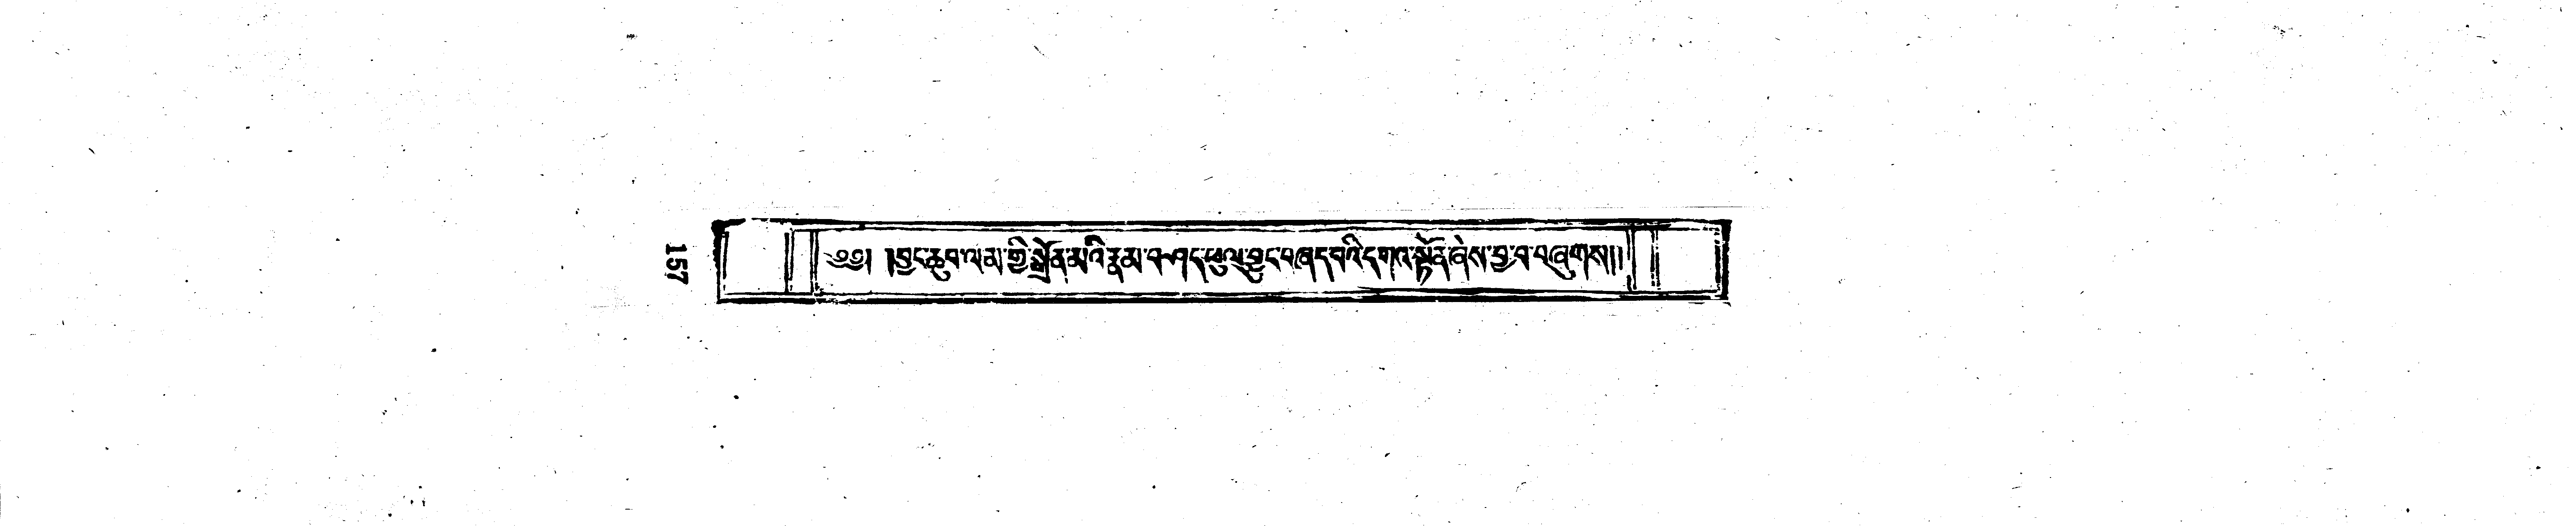༄༅། །བྱང་ཆུབ་ལམ་གྱི་སྒྲོན་མའི་རྣམ་བཤད་ཕུལ་བྱུང་བཞད་པའི་དགའ་སྟོན་ཞེས་བྱ་བ་བཞུགས། །